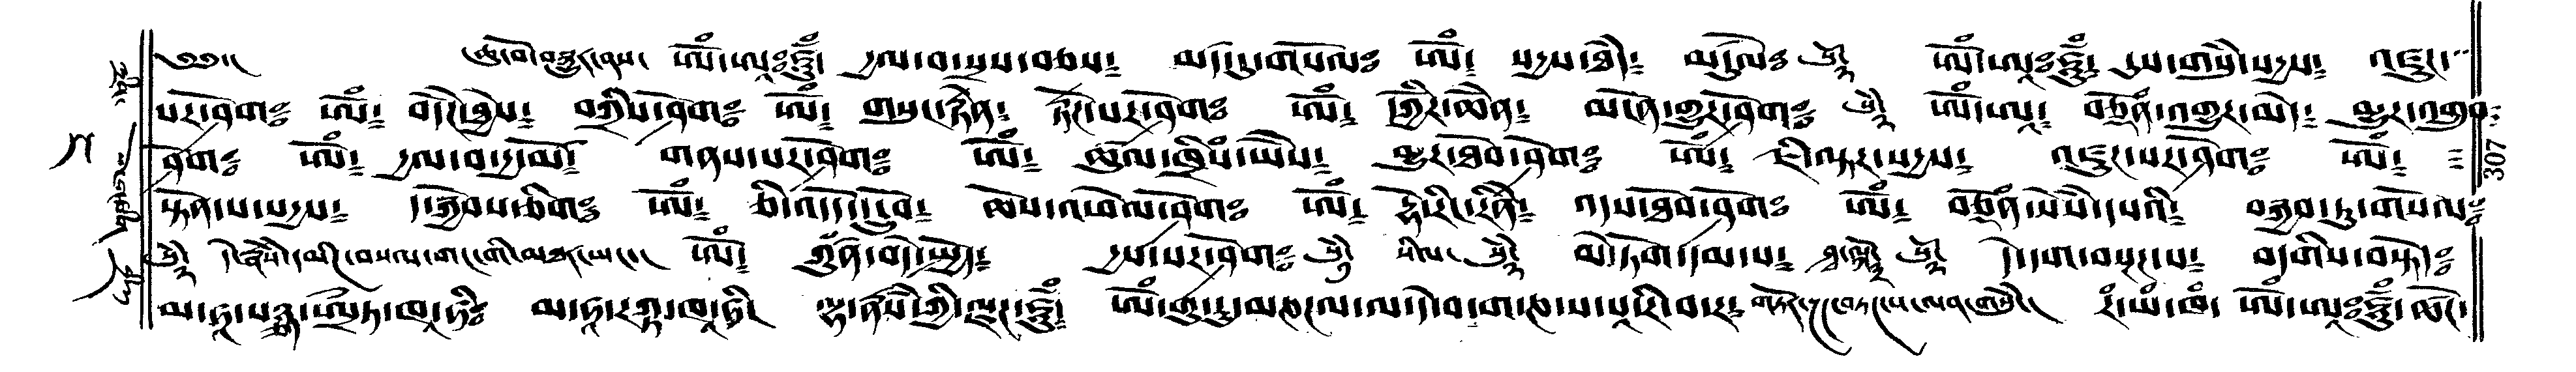ཆུ་བོར་བསྐྱུར་ནས། ཨོཾ་ཨཱཿཧཱུྃ། རྒྱལ་བ་སྲས་བཅས༴ མཛད་དུ་གསོལ། ཨོཾ། སངས་རྒྱས་ཐམས་ཅད༴ མཛད་དུ་གསོལ། སུམ་གཉིས། ཨོཾ་ཨཱཿཧཱུྃ། དུས་གསུམ་སངས་རྒྱས༴ འཛུགས་
པར་ཤོག ཨོཾ༴ བདེ་གཤེགས་ཐམས་ཅད༴ བཀྲ་ཤིས་ཤོག ཨོཾ༴ གསུང་རྟེན༴ རྟོགས་པར་ཤོག ཨོཾ༴ དཀྱིལ་འཁོར་ཆེན་པོས༴ མངོན་གྱུར་ཤོགསུམ་གཉིས། ཨོཾ་ཨཱ༴ བཅོམ་ལྡན་འགྱུར་མེད༴ མྱུར་འགྲུབ་
ཤོག ཨོཾ༴ རྒྱལ་བ་རྒྱ་མཚོ༴ གནས་པར་ཤོག ཨོཾ༴ ཚུལ་འཁྲིམས་ཡེ་ཤེས༴ མྱུར་ཐོབ་ཤོག ཨོཾ༴ ཇི་ལྟར་སངས་རྒྱས༴ འཛུགས་པར་ཤོག ཨོཾ༴ 
སྟོན་པ་སངས་རྒྱས༴ ད་སྐྱོབས་ཤིག ཨོཾ༴ ཅི་འདོད་དངོས་གྲུབ༴ ཆོས་འཕེལ་ཤོག ཨོཾ༴ རྡོ་རིང་རིན་ཆེན༴ འདས་ཐོབ་ཤོག ཨོཾ༴ བཅོམ་ལྡན་སེམས་དཔའི༴ བསྐྱབ་ཏུ་གསོལ། 
སུམ་གཉིས། དེ་རྣམས་དམིགས་བསལ་གང་གི་མཐར་ཡང་། ཨོཾ༴ ཀུན་བཟང་བདེ་སྤྱོད༴ རྒྱས་པར་ཤོག སུམ་གཅིག སིལ། སུམ་གཉིས། མེ་ཏོག་དམ་པ༴ ཤླཽ་ཀ་གསུམ། སུམ་གཅིག དེ་དག་བསྔགས་པ༴ བདག་གིས་བསྟོད། 
མ་ཧཱ་པཉྩ་ཨ་མྲྀ་ཏ་ཁཱ་ཧི། ལྷ་རྣམས་ཀྱི་ལྗགས་ཧཱུྃ༴ ཨོཾ་གུ་རུ་མཎྜལ་ལ་དེ་བ་ག་ཎ་ས་པཱ་རི་བ་ར༴ གཏོར་སྔགས་བཏགས་པ་ལན་གསུམ། རྃ་ཡྃ་ཁྃ། ཨོཾ་ཨཱཿཧཱུྃ་ཚོགས་